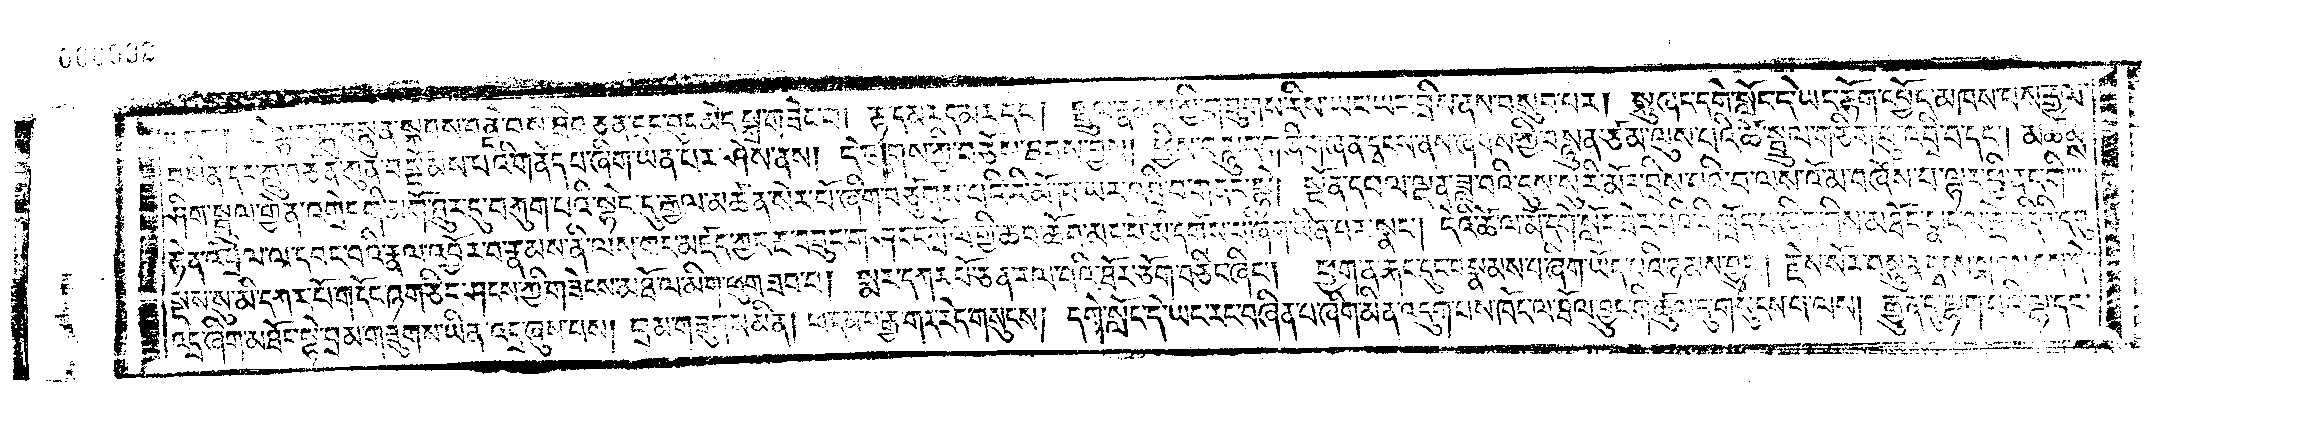བཏང་། དེ་ལྟར་སྐུ་བསྙུན་སྐབས་བནྡེ་བསེ་ཐེབ་ཅན་དང་བུད་མེད་སྐྲ་གཟེང་བ། རྟ་དམར་དམར་དང་། སྦྲུལ་རྣམས་ཀྱི་གཟུགས་རིས་ཡང་ཡང་བྲིས་ནས་བསུབ་པར། སྐུ་ཞང་དགེ་སློང་དེ་ཡང་རྟོག་དཔྱོད་མཁས་བས་རྒྱལ་
བསེན་དང་ཀླུ་བཙན་ཀུན་བསྡོམས་པའི་གནོད་པ་ཞིག་ཡིན་པར་ཤེས་ནས། དེ་ལུགས་ཀྱི་བཅོས་ཐབས་བྱས། ཕྱིས་བསྙུང་གཞི་གཞན་དྭངས་ནས་ཞབས་ཀྱི་བསྙུན་ཙམ་ལུས་པའི་ཚེ་སྦྲུལ་གཅིག་པུ་འབྲི་བ་དང་། མཚམས་
ཤིག་སྦྲུལ་གྱེན་འགྲེང་གི་མགོ་ཐུར་དུ་བཀུག་པའི་སྟེང་དུ་རྒྱལ་མཚན་སེར་པོ་ཞིག་བཙུགས་པའི་རི་མོ་ཁ་ཡར་འབྲི་བ་གནང་སྟེ། སྔོན་དཔལ་ལྡན་ཟླ་བའི་དུས་སུ་རི་མོར་བྲིས་པའི་བ་ལས་འོ་མ་བཞོས་པ་ལྟར་ཕྱི་ནང་གི་
རྟེན་འབྲེལ་ལ་དབང་བའི་རྣལ་འབྱོར་བ་རྣམས་ནི་ལས་གང་མཛད་ཀྱང་རྔ་བཟུང་གཤང་དཀྲོལ་གྱི་ཆབ་ཆོབ་མང་པོ་མི་དགོས་པ་ཞིག་ཡིན་པར་སྣང་། དེའི་ཚེ་ལ་མོ་དགེ་སློང་ཟེར་པའི་རི་ཁྲོད་པ་ཞིག་གིས་མཐོང་སྣང་ལ་རྗེ་འདིའི་དབུ་
སྔས་སུ་མི་དཀར་པོ་གདོང་ཉག་ཅིང་ཤངས་ཀྱི་གཟེངས་མཐོ་ལ་མིག་ཕུག་ཟབ་པ། སྨ་ར་དཀར་པོ་ཅན་རལ་བའི་ཐོར་ཅོག་བཅིང་ཞིང་། ཕྱག་ན་རྐང་དུང་བསྣམས་པ་ཞིག་ཡོད་པའི་ཉམས་བྱུང་། རྗེས་སོར་བསྙུན་དྭངས་སྐབས་ངས་དེ་
འདྲ་ཞིག་མཐོང་སྟེ་བྲམ་གཟུགས་ཡིན་འདྲ་ཞུས་པས། བྲམ་གཟུགས་མིན། ཕ་དམ་པ་རྒྱ་གར་རེད་གསུངས། དགེ་སློང་དེ་ཡང་རང་བཞིན་པ་ཞིག་མིན་འདུག་པས་ཁོང་ལ་ཐོལ་བྱུང་གི་ཚུལ་དུ་གསུངས་པ་ལས། རྒྱུན་དུ་ལྷག་པའི་ལྷ་དང་